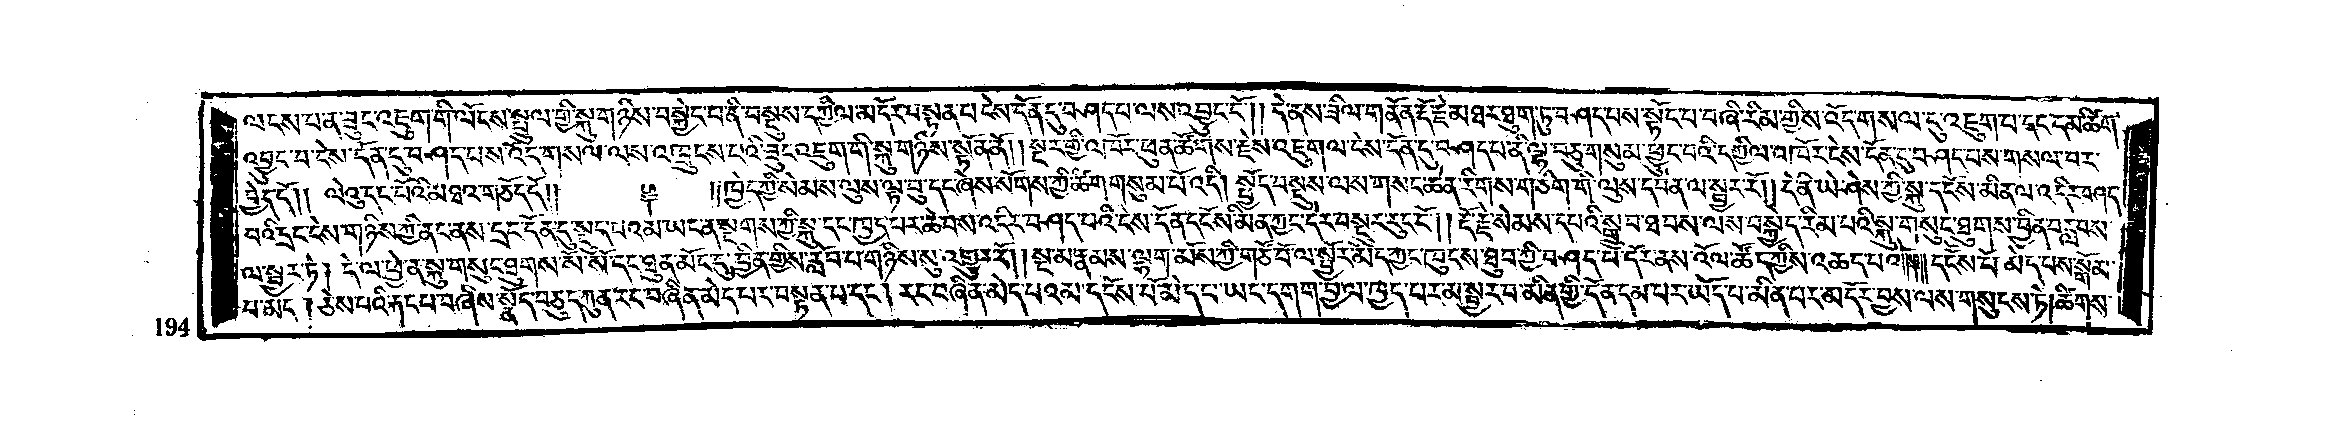ལངས་པ་ན་ཟུང་འཇུག་གི་ལོངས་སྤྲུལ་གྱི་སྐུ་གཉིས་བསྐྱེད་པ་ནི་བསྡུས་དཀྱིལ་མདོར་བསྟན་པ་ངེས་དོན་དུ་བཤད་པ་ལས་འབྱུང་ངོ། །དེ་ནས་ཟིལ་གནོན་རྡོ་རྗེ་མཐར་ཐུག་ཏུ་བཤད་པས་སྟོང་པ་བཞི་རིམ་གྱིས་འོད་གསལ་དུ་འཇུག་པ་དང་དམ་ཚིག་
འབྱུང་བ་ངེས་དོན་དུ་བཤད་པས་འོད་གསལ་ལས་འཁྲུངས་པའི་ཟུང་འཇུག་གི་སྐུ་གཉིས་སྟོན་ནོ། །སྔར་གྱི་འཁོར་ཕུན་ཚོགས་རྗེས་འཇུག་ལ་ངེས་དོན་དུ་བཤད་པ་ནི་ལྷ་བཅུ་གསུམ་ཕྱུང་བའི་དཀྱིལ་འཁོར་ངེས་དོན་དུ་བཤད་པས་གསལ་བར་
བྱེད་དོ། །ལེའུ་དང་པོའི་མཐའ་གཅོད་དོ།། ༈ །།ཁྱེད་ཀྱི་སེམས་ལུས་ལྟ་བུ་དང་ཞེས་སོགས་ཀྱི་ཚིག་གསུམ་པོ་འདི། སྤྱོད་བསྡུས་ལས་གསང་ཆེན་རིགས་གཅིག་གི་ལུས་དབེན་ལ་སྦྱར་རོ། །དེ་ནི་ཡེ་ཤེས་ཀྱི་སྐུ་དངོས་མིན་ལ་འདིར་བཤད་
པའི་དྲང་ངེས་གཉིས་ཀྱི་ནང་ནས་དྲང་དོན་དུ་སྡུད་པའམ་ཡང་ན་སྔགས་ཀྱི་སྐུ་དང་ཁྱད་པར་ཆེ་བས་འདིར་བཤད་པའི་ངེས་དོན་དངོས་མིན་ཀྱང་དེར་བསྡུར་རུང་ངོ། །རྡོ་རྗེ་སེམས་དཔའི་སྒྲུབ་ཐབས་ལས་བསྐྱེད་རིམ་པའི་སྐུ་གསུང་ཐུགས་བྱིན་བརླབས་
ལ་སྦྱར་ཏེ། དེ་ལ་ཕྱེ་ན་སྐུ་གསུང་ཐུགས་སོ་སོ་དང་ཐུན་མོང་དུ་བྱིན་གྱིས་རློབ་པ་གཉིས་སུ་འགྱུར་རོ། །སྔ་མ་རྣམས་ལྷག་མོས་ཀྱི་གཙོ་བོ་ལ་སྦྱོར་མོད་ཀྱང་ཁུངས་ཐུབ་ཀྱི་བཤད་པ་དོར་ནས་འོལ་ཚོད་ཀྱིས་འཆད་པའོ།། ༈ །།དངོས་པོ་མེད་པས་སྒོམ་
པ་མེད། ཅེས་པའི་རྐང་པ་བཞིས་སྣོད་བཅུད་ཀུན་རང་བཞིན་མེད་པར་བསྟན་པ་དང་། རང་བཞིན་མེད་པའམ་དངོས་པོ་མེད་པ་ཡང་དགག་བྱ་ལ་ཁྱད་པར་མ་སྦྱར་བ་མིན་གྱི་དོན་དམ་པར་ཡོད་པ་མིན་པར་མདོར་བྱས་ལས་གསུངས་ཏེ། ཚིགས་